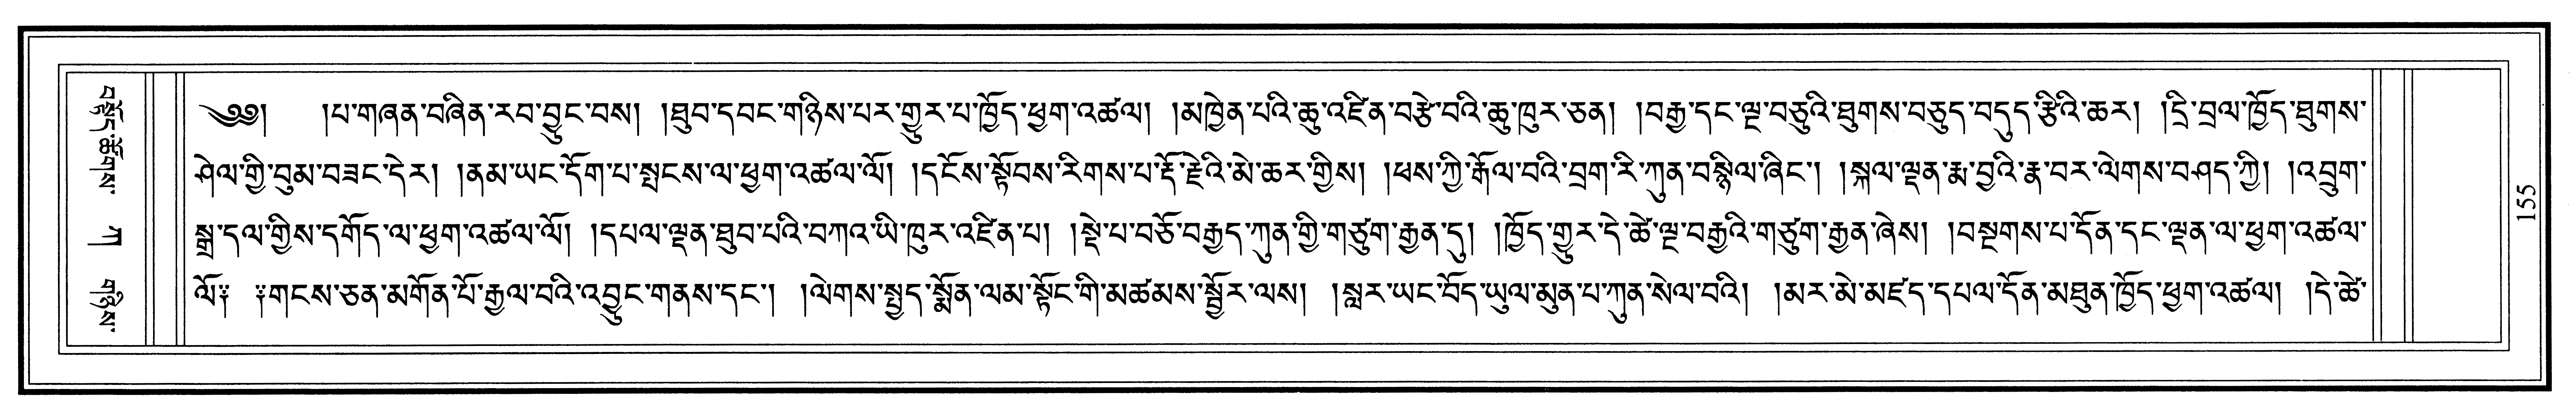༄༅། །པ་གཞན་བཞིན་རབ་བྱུང་བས། །ཐུབ་དབང་གཉིས་པར་གྱུར་པ་ཁྱོད་ཕྱག་འཚལ། །མཁྱེན་པའི་ཆུ་འཛིན་བརྩེ་བའི་ཆུ་ཁུར་ཅན། །བརྒྱ་དང་ལྔ་བཅུའི་ཐུགས་བཅུད་བདུད་རྩིའི་ཆར། །དྲི་བྲལ་ཁྱོད་ཐུགས་
ཤེལ་གྱི་བུམ་བཟང་དེར། །ནམ་ཡང་དོག་པ་སྤངས་ལ་ཕྱག་འཚལ་ལོ། །དངོས་སྟོབས་རིགས་པ་རྡོ་རྗེའི་མེ་ཆར་གྱིས། །ཕས་ཀྱི་རྒོལ་བའི་བྲག་རི་ཀུན་བསྙིལ་ཞིང་། །སྐལ་ལྡན་རྨ་བྱའི་རྣ་བར་ལེགས་བཤད་ཀྱི། །འབྲུག་
སྒྲ་དལ་གྱིས་དགོད་ལ་ཕྱག་འཚལ་ལོ། །དཔལ་ལྡན་ཐུབ་པའི་བཀའ་ཡི་ཁུར་འཛིན་པ། །སྡེ་པ་བཅོ་བརྒྱད་ཀུན་གྱི་གཙུག་རྒྱན་དུ། །ཁྱོད་གྱུར་དེ་ཚེ་ལྔ་བརྒྱའི་གཙུག་རྒྱན་ཞེས། །བསྔགས་པ་དོན་དང་ལྡན་ལ་ཕྱག་འཚལ་
ལོ༑ ༑གངས་ཅན་མགོན་པོ་རྒྱལ་བའི་འབྱུང་གནས་དང་། །ལེགས་སྤྱད་སྨོན་ལམ་སྟོང་གི་མཚམས་སྦྱོར་ལས། །སླར་ཡང་བོད་ཡུལ་མུན་པ་ཀུན་སེལ་བའི། །མར་མེ་མཛད་དཔལ་དོན་མཐུན་ཁྱོད་ཕྱག་འཚལ། །དེ་ཚེ་